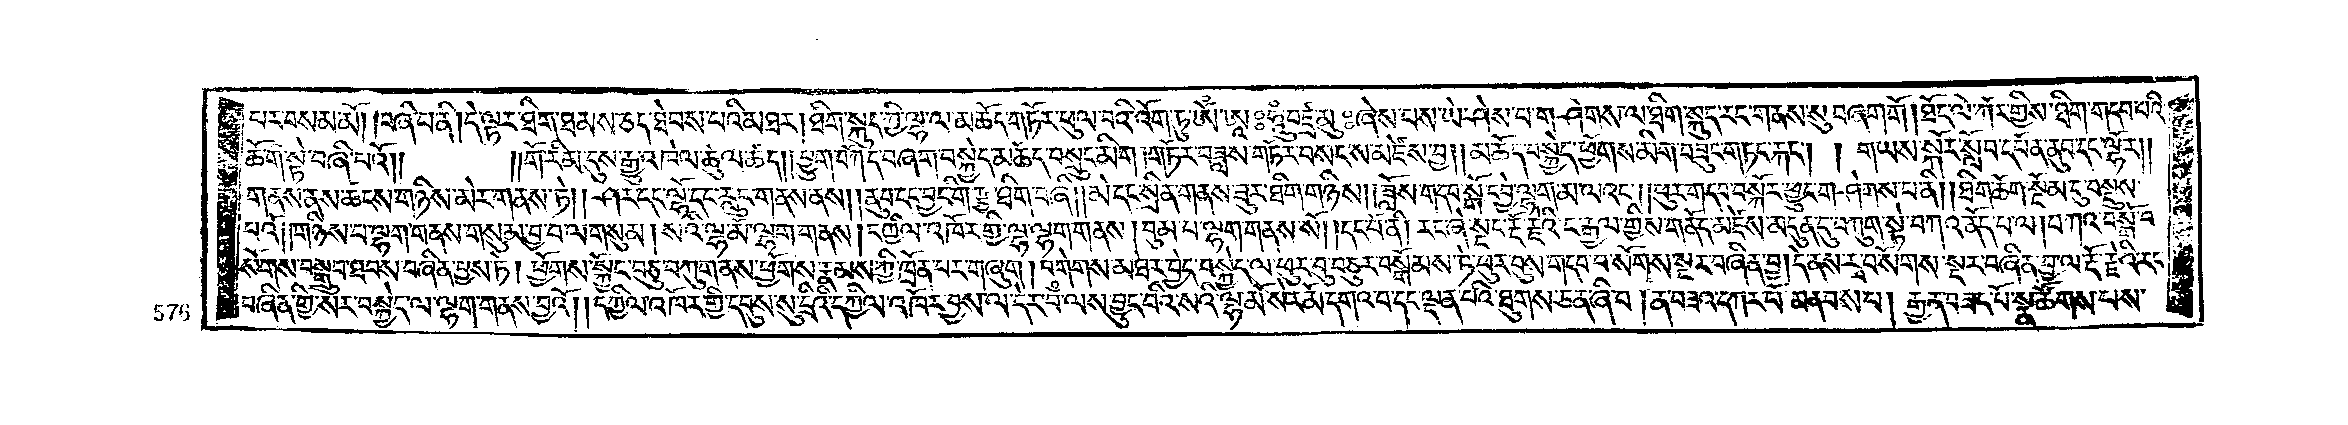པར་བསམ་མོ། །བཞི་པ་ནི། དེ་ལྟར་ཐིག་ཐམས་ཅད་ཐེབས་པའི་མཐར། ཐིག་སྐུད་ཀྱི་ལྷ་ལ་མཆོད་གཏོར་ཕུལ་བའི་འོག་ཏུ་ཨོཾ་ཨཱཿ ཧཱུཾ་བཛྲ་མུཿ ཞེས་པས་ཡེ་ཤེས་པ་གཤེགས་ལ་ཐིག་སྐུད་རང་གནས་སུ་བཞག་གོ །ཐོད་ལེ་ཀོར་གྱིས་ཐིག་གདབ་པའི་
ཆོ་ག་སྟེ་བཞི་པའོ།། །།གོ་རིམ་དུས་རྒྱུ་འཁེལ་ཚུལ་ཚད། །བྱུག་བཀོད་བཞག་བསྐྱེད་མཆོད་བསྲུང་མིག །གཏོར་བཟླས་གཏོར་བསང་ས་མཛེས་བྱ། །མཆོད་བསྐྱེད་ཕྱོགས་མིག་བཟུང་གཏང་རྐང་། །གཡས་སྐོར་སློབ་དཔོན་ནུབ་དང་ལྷོར།།
གནས་ནས་ཚངས་གཉིས་མེར་གནས་ཏེ། །ཤར་དང་ལྷོ་དང་རླུང་གནས་ནས། །ནུབ་དང་བྱང་གི་རྩ་ཐིག་བཞི། །མེ་དང་སྲིན་གནས་ཟུར་ཐིག་གཉིས། །ཟློས་གདབ་སྒོ་དབྱེ་ལྷག་མ་ལའང་། །ཕུར་གདབ་བསྐོར་ཕྱུང་གཤེགས་པ་ནི། །ཐིག་ཆོག་སྡོམ་དུ་བསྡུས་
པའོ། །གཉིས་པ་ལྷག་གནས་གསུམ་བྱ་བ་ལ་གསུམ། སའི་ལྷ་མོ་ལྷག་གནས། དཀྱིལ་འཁོར་གྱི་ལྷ་ལྷག་གནས། བུམ་པ་ལྷག་གནས་སོ། །དང་པོ་ནི། རང་ཞེ་སྡང་རྡོ་རྗེའི་ང་རྒྱལ་གྱིས་གནོད་མཛེས་མདུན་དུ་བཀུག་སྟེ་བཀའ་ནོད་པ་ལ། བཀའ་བསྒོ་བ་
སོགས་བསྒྲུབ་ཐབས་བཞིན་བྱས་ཏེ། ཕྱོགས་སྐྱོང་བཅུ་བཀུག་ནས་ཕྱོགས་རྣམས་ཀྱི་ཁྲོན་པར་གཞུག །བགེགས་མཐར་བྱེད་བསྐྱེད་ལ་ཕུར་བུ་བཅུར་བསྒོམས་ཏེ་ཕུར་བུས་གདབ་པ་སོགས་སྔར་བཞིན་བྱ། དེ་ནས་རྭ་བ་སོགས་སྔར་བཞིན་བྱ་ལ་རྡོ་རྗེའི་རང་
བཞིན་གྱི་སར་བསྐྱེད་ལ་ལྷག་གནས་བྱའོ། །དཀྱིལ་འཁོར་གྱི་དབུས་སུ་དྲིའི་དཀྱིལ་འཁོར་བྱས་ལ་དེར་བཾ་ལས་བྱུང་བའི་སའི་ལྷ་མོ་སེར་མོ་དགའ་བ་དང་ལྡན་པའི་ཐུགས་ཅན་ཞི་བ། ན་བཟའ་དཀར་པོ་མནབ་ས་པ། རྒྱན་བཟང་པོ་སྣ་ཚོགས་པས་